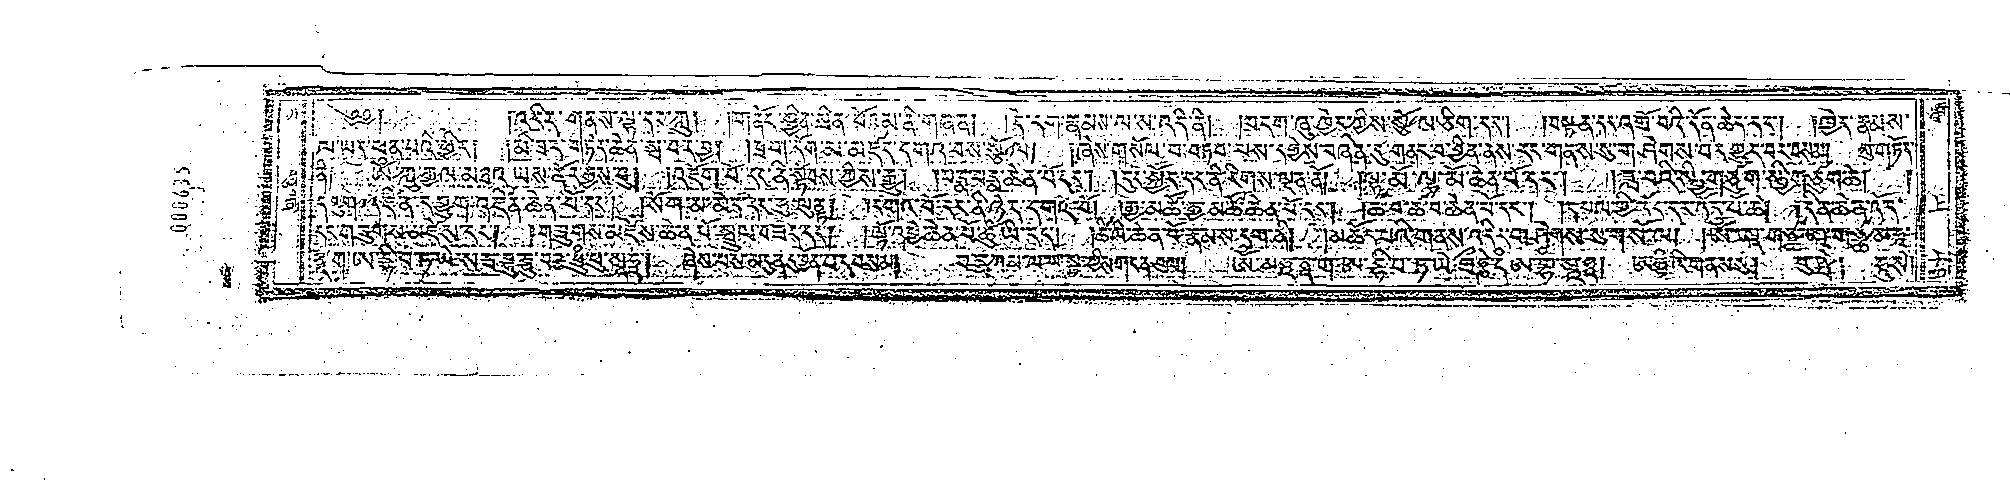༄༅། །འདིར་གནས་ལྷ་དང་ཀླུ། །གནོད་སྦྱིན་སྲིན་པོའི་མ་ནི་གཞན། །དེ་དག་རྣམས་ལ་ས་འདི་ནི། །བདག་ཞུ་ཁྱེད་ཀྱིས་སྩོལ་ཅིག་དང་། །བསྟན་དང་འགྲོ་བའི་དོན་ཆེད་དང་། །ཁྱེད་རྣམས་
ལ་ཡང་ཕན་པའི་ཕྱིར། །མི་ཟད་གཏེར་ཆེན་སྤ་བར་བྱ། །ཕྲག་དོག་མ་མཛད་དགའ་བས་སྩོལ། །ཞེས་གསོལ་བ་བཏབ་པས་དགྱེས་བཞིན་དུ་གནང་བ་བྱིན་ནས་རང་གནས་སུ་གཤེགས་བར་གྱུར་བར་བསམ། ཀླུ་གཏོར་
ནི༑ ཨོཾ་ཀླུ་རྒྱལ་མཐའ་ཡས་ནོར་རྒྱས་བུ། །འཇོག་པོ་དང་ནི་སྟོབས་ཀྱིས་རྒྱུ། །པདམ་པདམ་ཆེན་པོ་དང་། །དུང་སྐྱོང་དང་ནི་རིགས་ལྡན་ནོ། །ལྷ་མོ་ལྷ་མོ་ཆེན་པོ་དང་། །ཟླ་བའི་སྤྱི་གཙུག་སྤྱི་གཙུག་ཆེ། །
དབྱུག་འཛིན་དབྱུག་འཛིན་ཆེན་པོ་དང་། །སོག་མ་མེད་དང་ཧུ་ལུནྟ། །དགའ་བོ་དང་ནི་ཉེད་དགའ་བོ། །རྒྱ་མཚོ་རྒྱ་མཚོ་ཆེན་པོ་དང་། །ཚ་བ་ཚ་བ་ཆེན་པོ་དང་། །དཔལ་གྱི་འོང་དང་འོང་པོ་ཆེ། །རིན་ཆེན་འོད་
དང་གཟུགས་མཛེས་དང་། །གཟུགས་མཛེས་ཆེན་པོ་སྤྲུལ་བཟང་དང་། །ལྟོ་འཕྱེ་ཆེན་པོ་ཚེ་ཡི་དང་། །ཚི་ལི་ཆེན་པོ་རྣམས་དག་ནི། །མཆོད་པའི་གནས་འདིར་གཤེགས་སུ་གསོལ། །ཨོཾ་ཨཱ་གཙྪ་ཨཱ་གཙྪ་མཧཱ་
ནཱ་ག་ཨ་དྷི་བ་ཏ་ཡེ་སརྦ་བྷུརྦྷུ་བཿ་ཕྲུཾ་ཕུ་སྭཱཧཱ། ཞེས་པས་མདུན་དུ་བྱོན་པར་བསམ། པདམ་ཀ་མ་ལ་ཡ་སྟྭཾ་ཀྱིས་གདན་བུལ། ཨོཾ་མཧཱ་ནཱ་ག་ཨ་དྷི་པ་ཏ་ཡེ་གྲྀཧྞེ་དཾ་ཨ་གྷཾ་སྭཱ་ཧཱ། ཨརྒྷཾའི་གནས་སུ། པུཥྤེ། ཧཱུ་སེ།